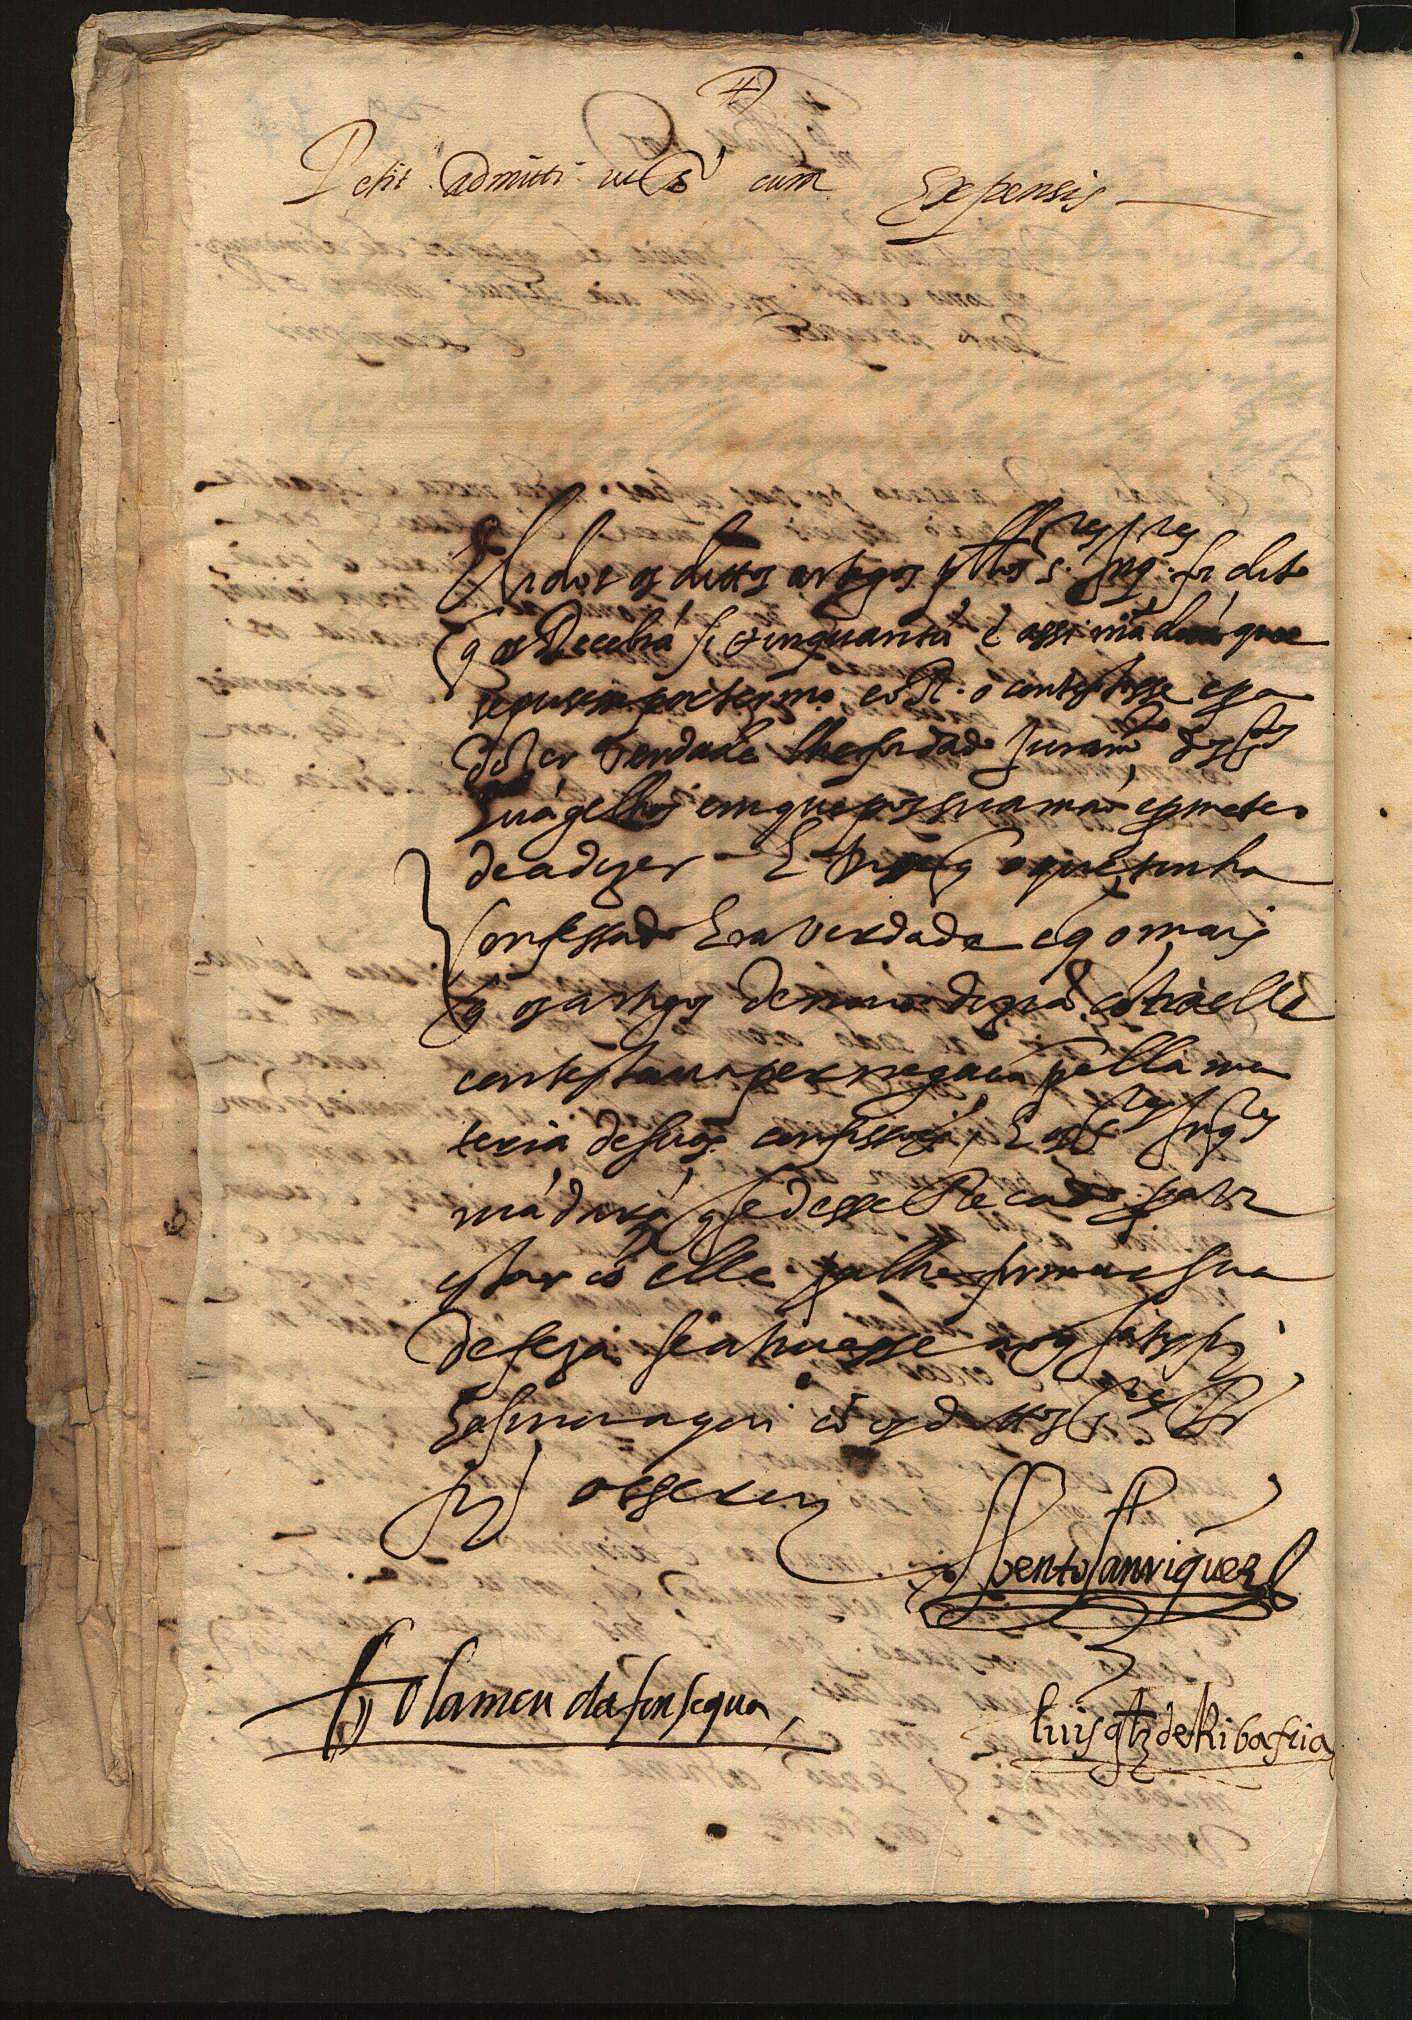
Petit admitti ut s̄ cum Expensis
E lidos os dittos artigos pll̄os s.rs Jnq.res foi dito
q̄ os Recebia si et in quantū e assi mādou que
se pusese por termo e o R. o contestasse e ꝑa
dizer verdade lhe foi dado Juramto dos stos
Euāgelhos em que pos sua maõ e ꝓmeteo
de a dizer E Dise q̄ o que tinha
Confessado Era verdade e q̄ o mais
q̄ os artigos de nouo diziaõ cōtra elle
contestaua por negaçā pella ma
teria de suas confissoẽs, E os sres Jnqres
mādarā q̄ se desse Recado ꝑa ir
estar cō elle ꝑa lhe formar sua
defeza se a tiuesse ao q̄ satisfiz
E asinou aqui cō os dittos s.res Bro
frz̄ o escreuj
bento anriquez
b̄olameu da fonsequa
luis gl̄z de Ribafria
